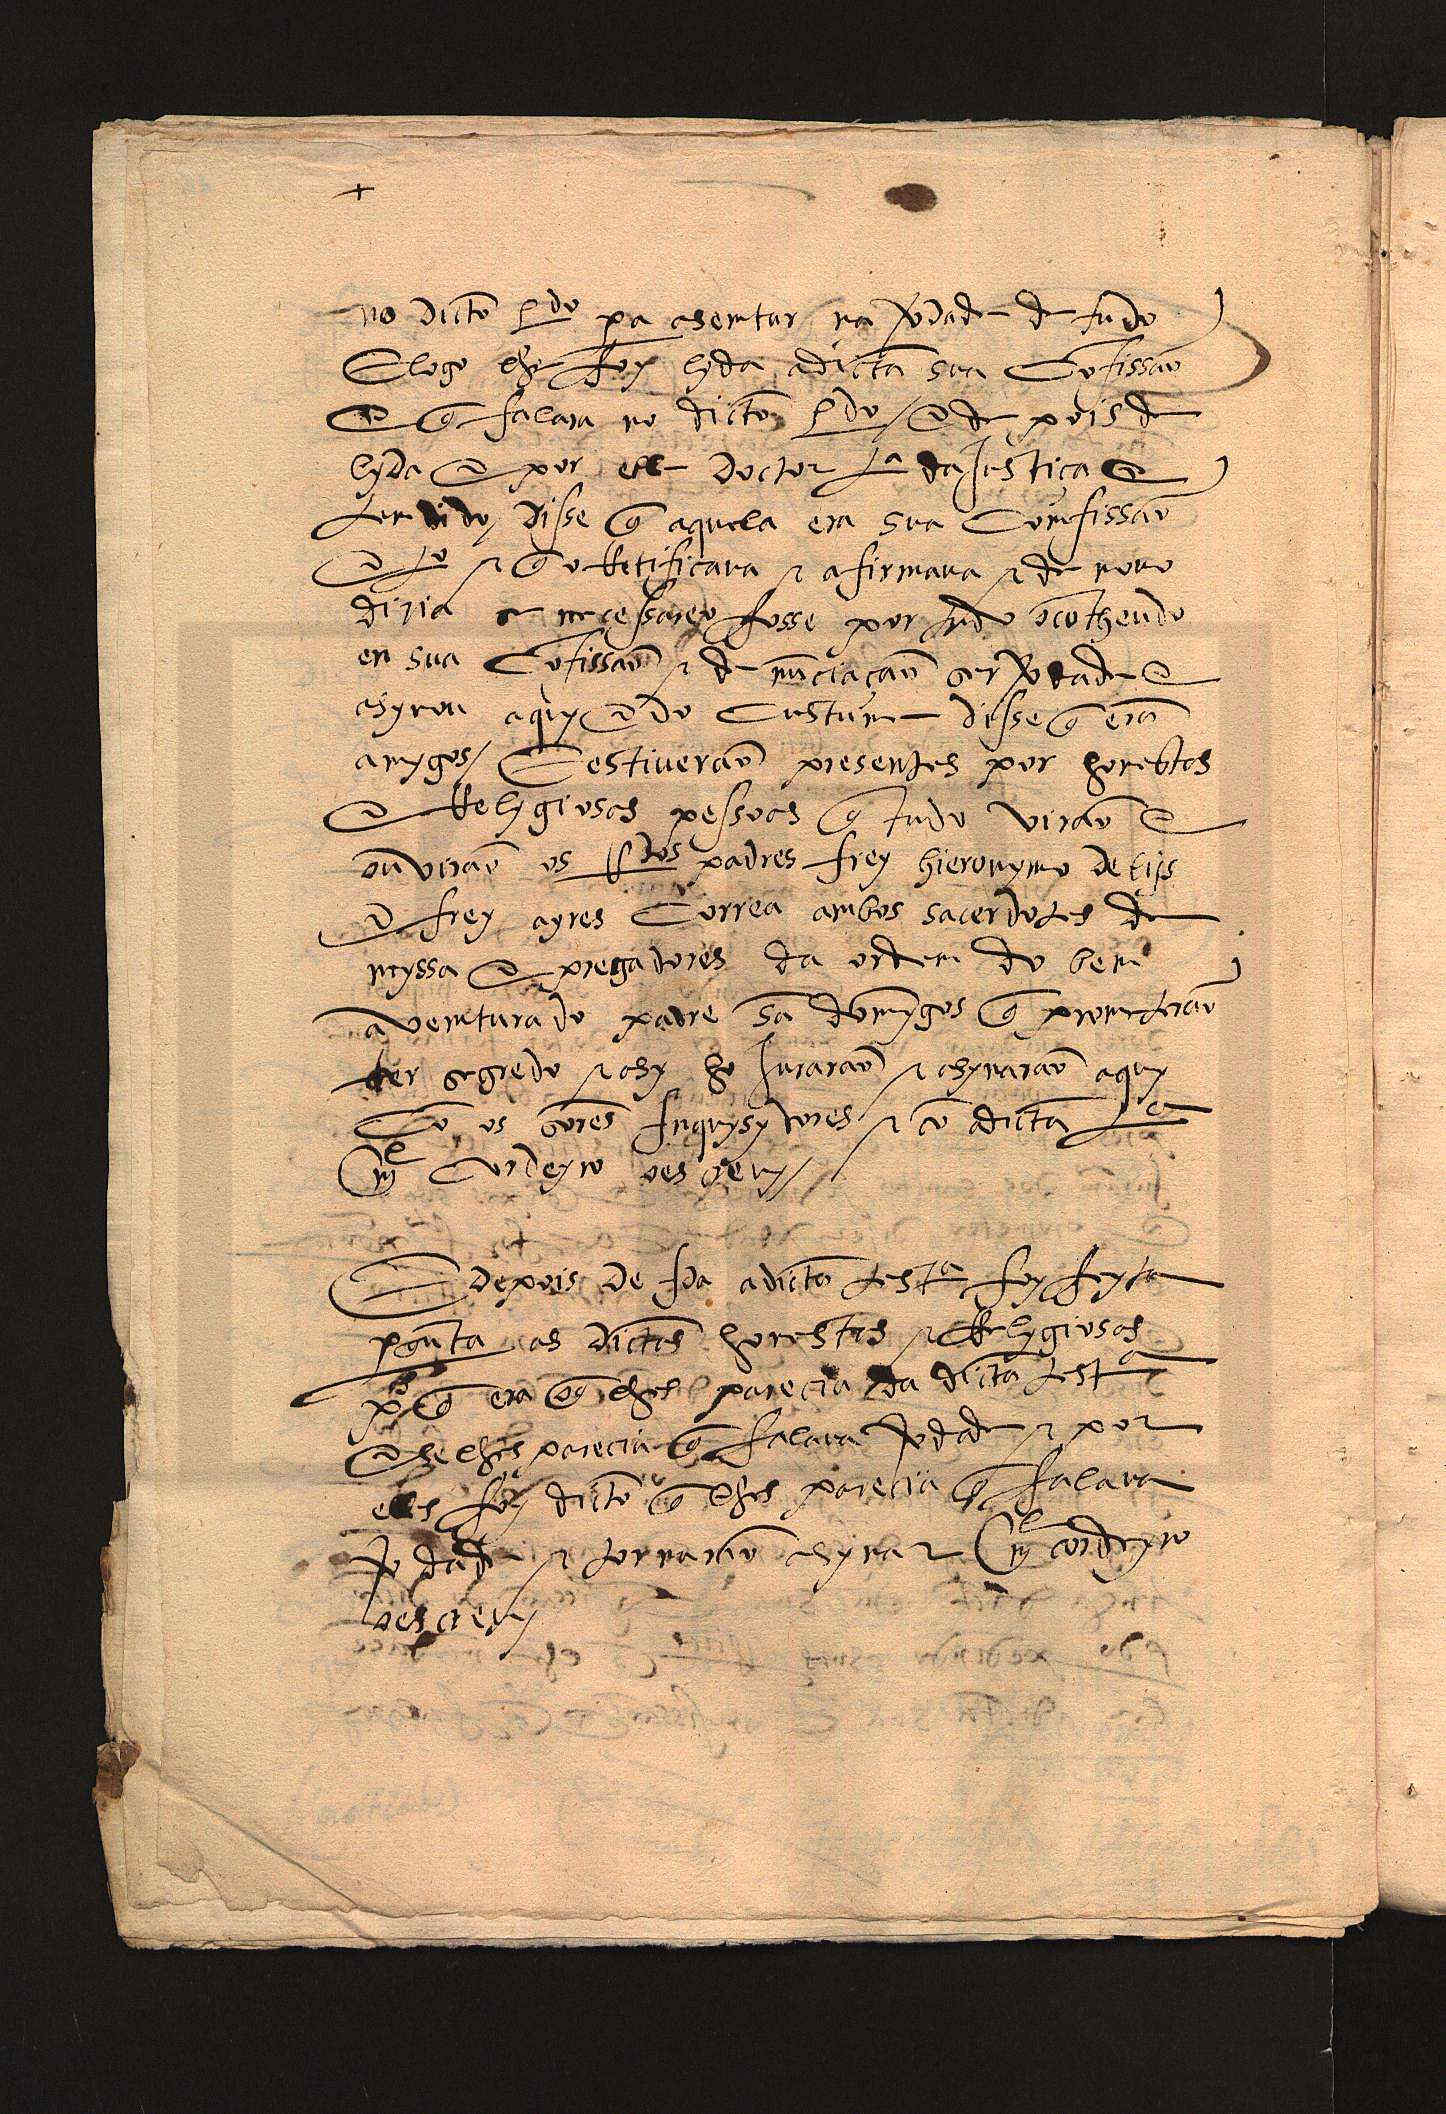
no dīcto Ldo ꝑa asemtar na ꝟdade de tudo
E logo lhe foy lyda a dīcta sua Cōfissão
e q̄ falara no dic̄to Ldo / e depois de
lyda e por elle doctor ta da Justiça ē
temdido disse q̄ aquela era sua Comfissão
e to e q̄ o Retificaua e afirmaua e de nouo
dizia se necessareo fosse por tudo o cōtheudo
en sua Cōfissão e denūciação ser ꝟdade e
asynou aquy e do Custume disse q̄ ēra
amygos / E estiuerão presentes por honestas
e Relygiosas pessoas q̄ tudo virão e
ouvirão os Rdos padres frey hieronymo de lijs
e frey ayres Correa ambos sacerdotes de
myssa e pregadores da ordem do bem
avemturado padre sā dōmygos q̄ prometerão
ter segredo e asy ho Jurarão e asynarão aquy
Cō os s̄ores Jnquysydores e cō a dīcta ta
mel Cordeyro o escreuy /
E depois de Jda a dīcta testa foy feyta
ꝑgūta as dīctas honestas e Relygiosas
pas q̄ era o q̄ lhes parecia da dīcta testa
e se lhes parecia q̄ falava ꝟdade e por
elles foy dīcto q̄ lhes parecia q̄ falava
ꝟdade e tornarão asynar mel cordeyro
o escreuy
